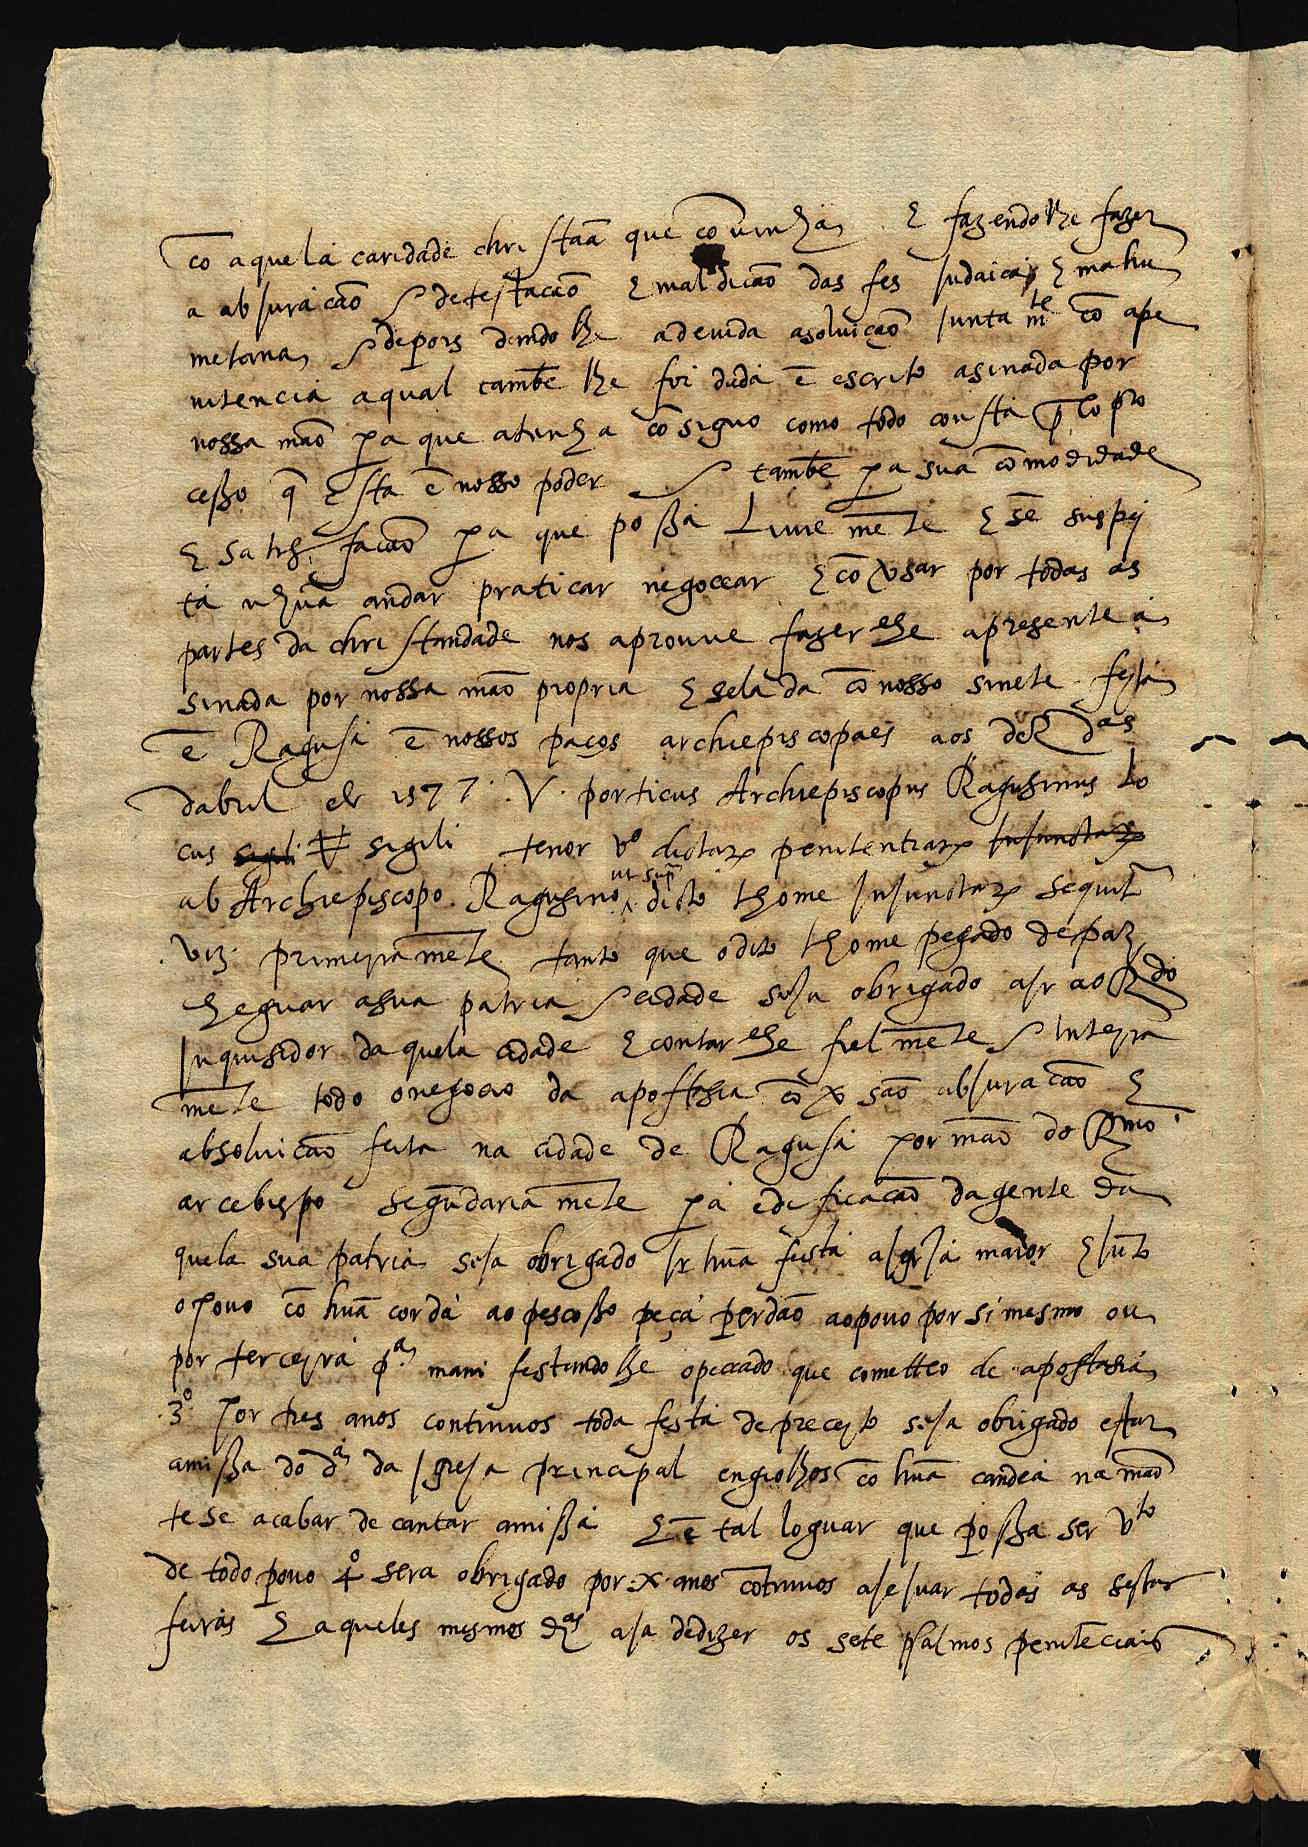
c̄o aquela caridade christaā que c̄ouinha E fazendolhe fazer
a abJuração e detestação E maldição das fes Judaicas E mahu
metana, e depois damdo lhe a deuida asoluição Juntamte c̄o a pe
nitencia a qual tambē lhe foi dada ē escrito asinada por
nossa mão ꝑa que a tenha cōsiguo como todo consta p̄lo pro
cesso q̄ esta ē nosso poder e tambē ꝑa sua c̄omodidade
E satisfacão ꝑa que possa Liuremēte E sē suspej
ta nhuā andar praticar negocear E c̄oꝟsar por todas as
partes da christandade nos aprouue fazerlhe a presente a
sinada por nossa mão propria E selada c̄o nosso sinete fejta
ē Ragusa ē nossos paços archiepiscopaes aos dez das
dabril de 1577 .V. porticus Archiepiscopus Ragusinus Lo
cus sigili V sigili tenor vo dictarꝭ penitentiarꝭ JnJunctarꝭ
ab Archiepiscopo Ragusino ut sup̄ dicto thome JnJunctarꝭ sequit̄
viz. primejramēte tanto que o dito thome pegado de paz
cheguar a sua patria e cidade seJa obrigado a Jr ao Rdo
Jnquisidor daquela cidade E contar lhe fielmēte e Jntejra
mēte todo o negocio da apostasia c̄oꝟsão abJuracão E
absoluicão feita na cidade de Ragusa por mão do Rmo
arcebispo segūdariamēte ꝑa edeficação da gente da
quela sua patria seja obrigado Jr hūa festa a JgrJa maior E Jūto
o pouo c̄o huā corda ao pescosso peça perdão ao pouo por si mesmo ou
por tercejra pa. manifestando lhe o peccado que cometteo de apostasia,
3o por tres anos continuos toda festa de precejto seja obrigado estar
a missa do da da JgreJa principal en giolhos cō huā candea na maõ
te se acabar de cantar a missa E ē tal loguar que possa ser vto
de todo pouo 4o sera obrigado por .x. anos cōtinuos a JeJuar todas as sestas
feiras E aqueles mesmos djas aJa de dizer os sete psalmos penitēciais
